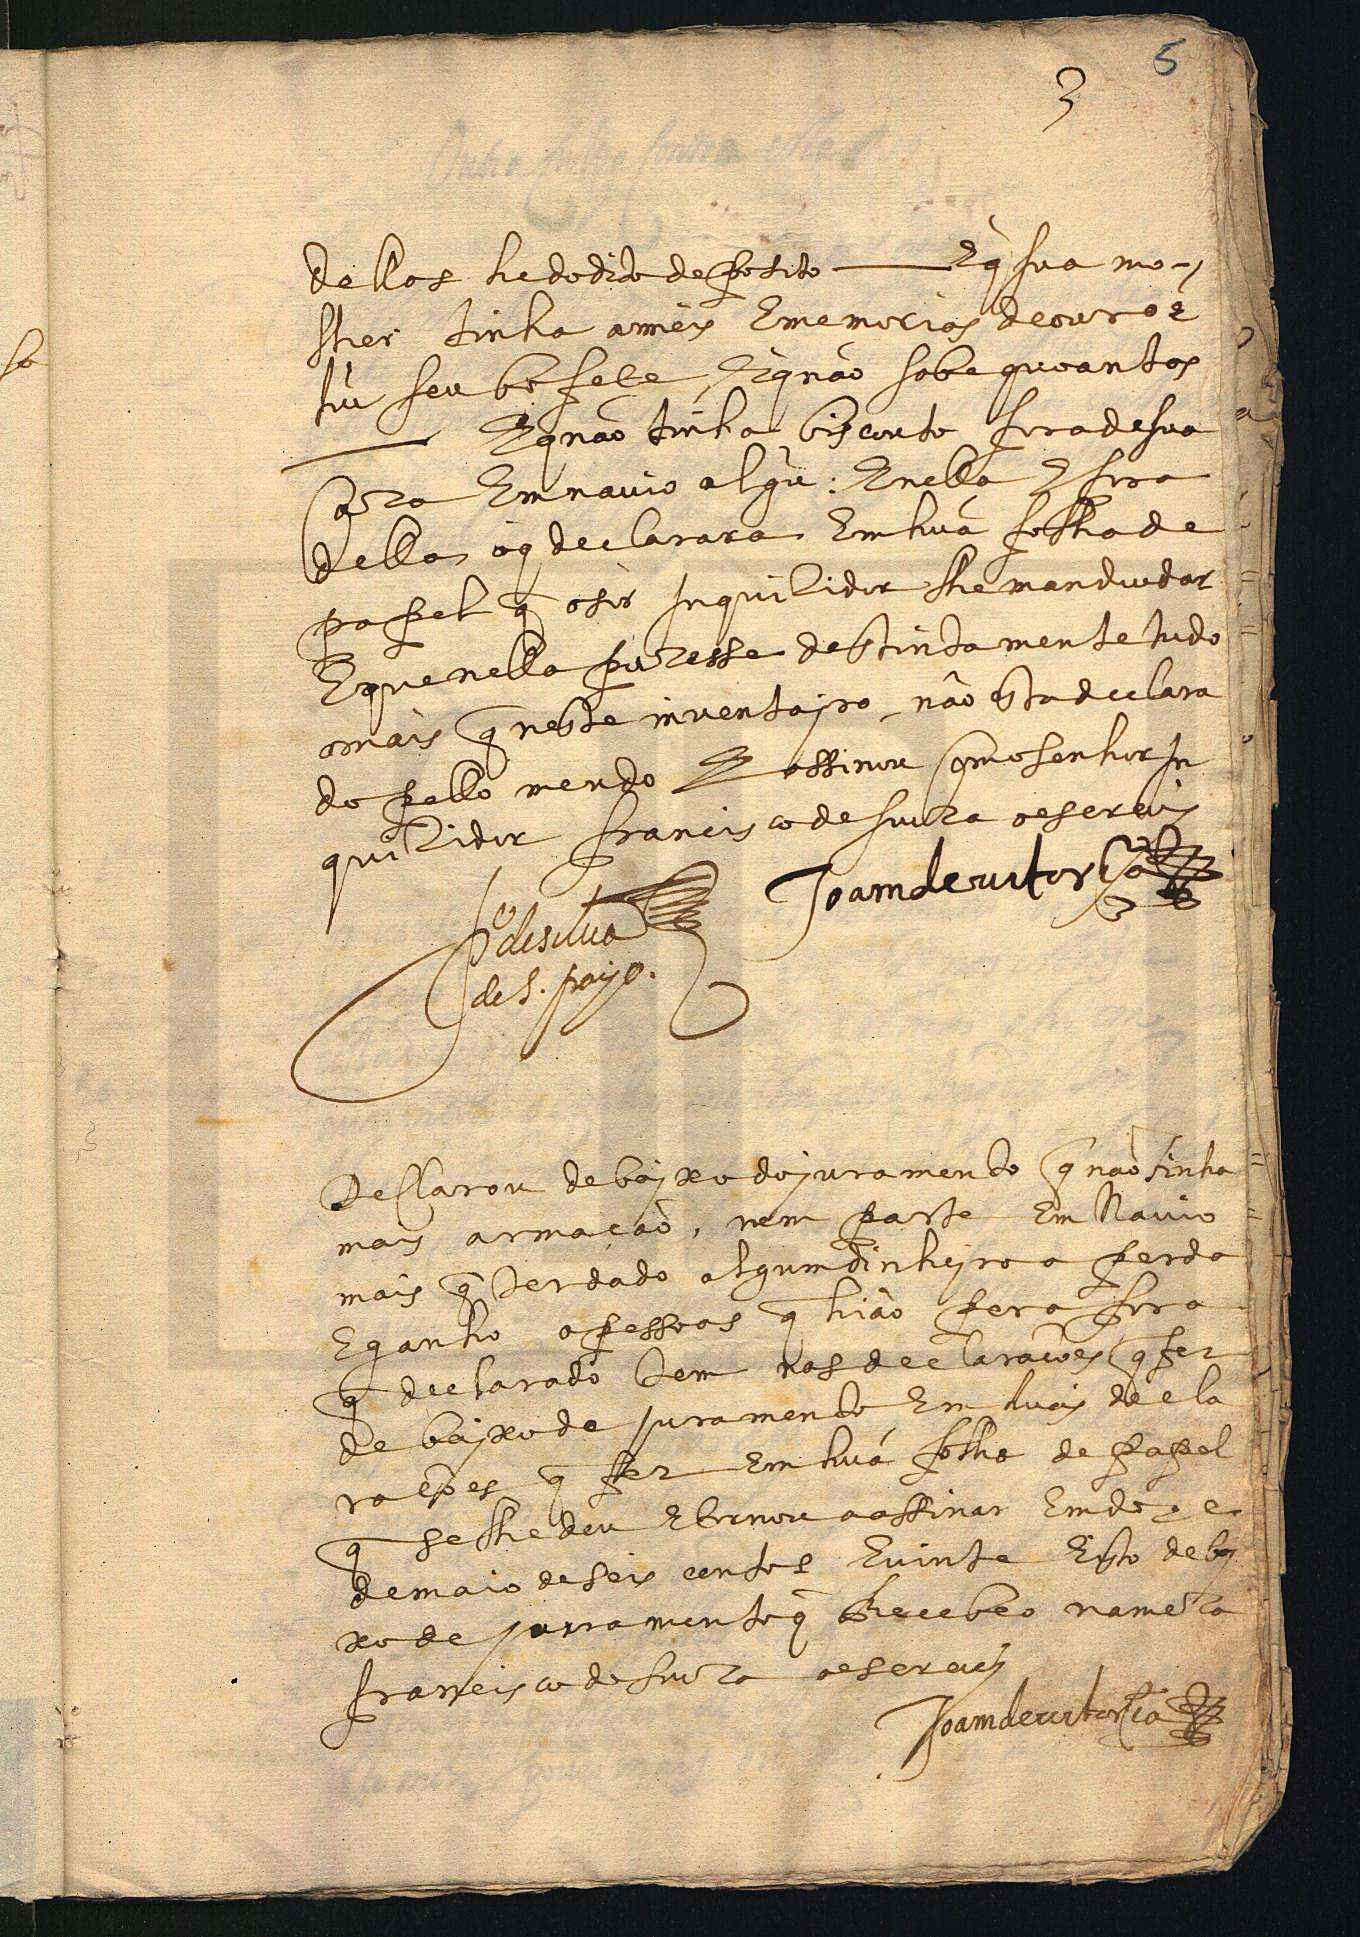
dellas he do dito deposito E q̄ sua mo
lher tinha anneis E memorias de ouro Ē
hū seu bofete, E q̄ não sabe quoantos
E q̄ não tinha biscouto fora de sua
Caza Em nauio algū: E nella E fora
della o q̄ declarara Em huā folha de
papel q̄ o sor̄ Jnquizidor lhe mandou dar
E que nella puzesse destintamente tudo
o mais q̅ neste inuentajro não esta declara
do pello meudo E assinou Com o senhor Jn
quizidor francisco de souza o escreuj
DeClarou debajxo do juramento q̄ naõ tinha
mais armação, nem parte Em Nauio
mais q̄ ter dado algum dinhejro a perda
E ganho a pessoas q̄ hiãoaõ pera fora
q̄ declarado tem nas declarações q̄ fez
debaixo de Juramento Em huās decla
racões q̄ fez Em huā folha de papel
q̄ se lhe deu E tornou a assinar Em doze
de maio de seiscentos E uinte E isto debaj
xo de juramento q̄ Recebeo na meza
francisco de souza o escreuj
